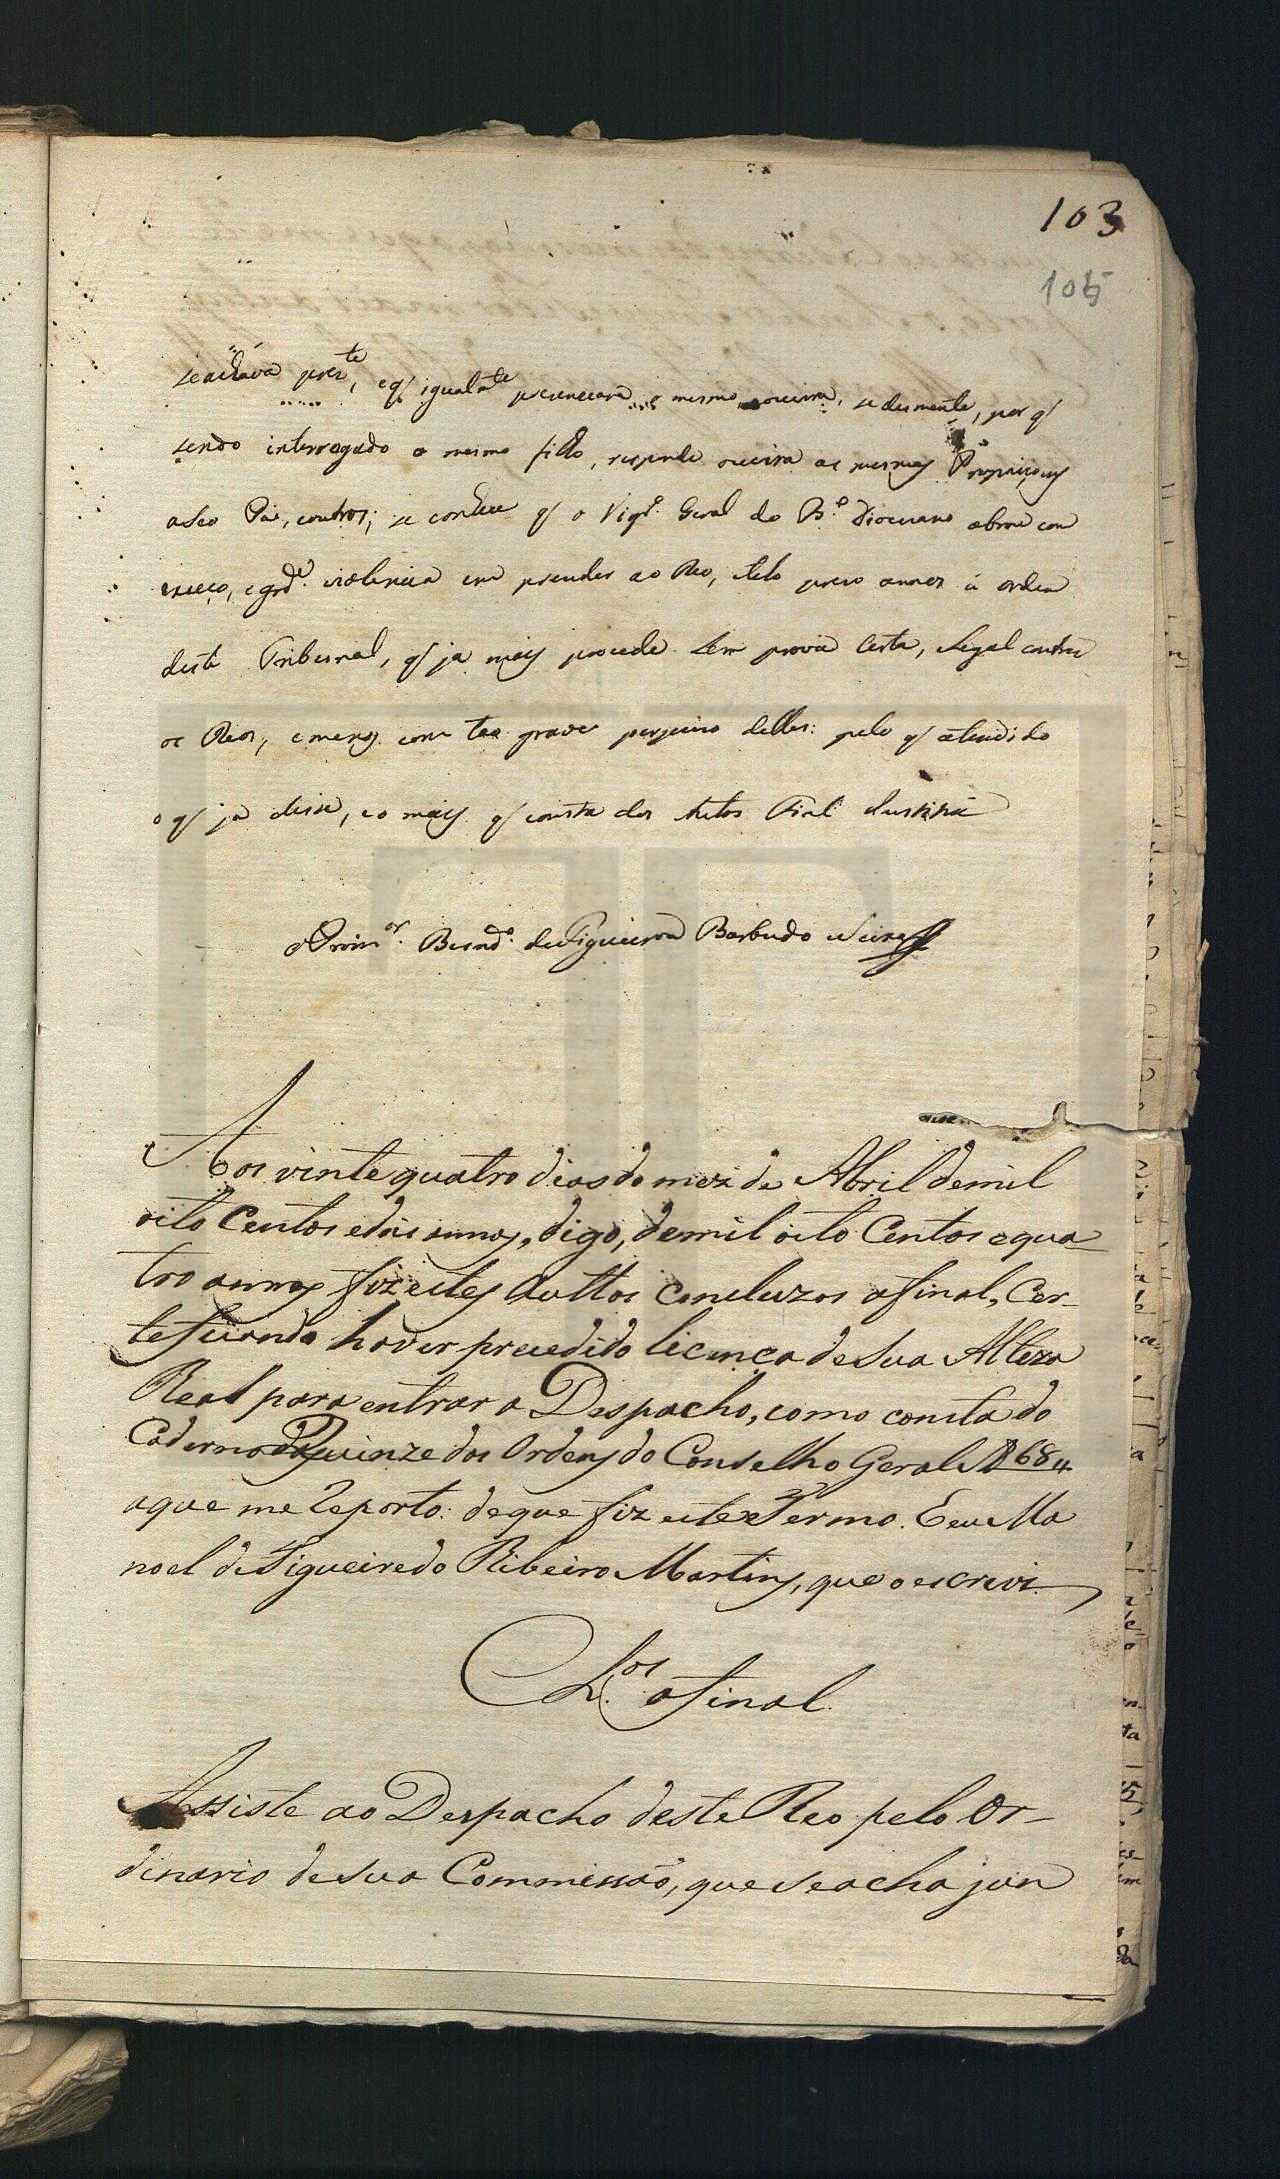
103
se achava prez.te, e q̄ igualmte prezenceara e mesmo ouvira, se desmente, por q̄
sendo interrogado o mesmo filho, responde ouvira as mesmas Propoziçoens
a seo Pai, e outros; se conhece q̄ o Vigr.o Geral do B.o Diocezano obrou com
exceço, e grd.e violencia em prender ao Reo, e telo prezo annos á ordem
deste Tribunal, q̄ jamais procede sem prova certa, e Legal contra
os Reos, e menos com tao grave perjuizo delles: pelo q̄ atendido
o q̄ ja disse, e o mais q̄ consta dos Autos Fiat Iustitia
o Prom.or Bernd.o de Figueiroa Barbudo e Seixa
Aos vinte quatro dias do mez de Abril de mil
oitocentos e dois annos, digo, de mil oitoCentos e qua
tro annos fiz estes auttos concluzos afinal, cer
teficando haver precedido licença de Sua Alteza
Real para entrar o Despacho, como consta do
Caderno da quinze das Ordens do Conselho Geral f 68
a que me Reporto de que fiz este Termo. E eu Ma
noel de Figueiredo Ribeiro Martins, que o escrevi.
CL.os afinal.
Assiste ao Despacho deste Reo pelo or
dinario de sua Commissaõ, que se acha jun
